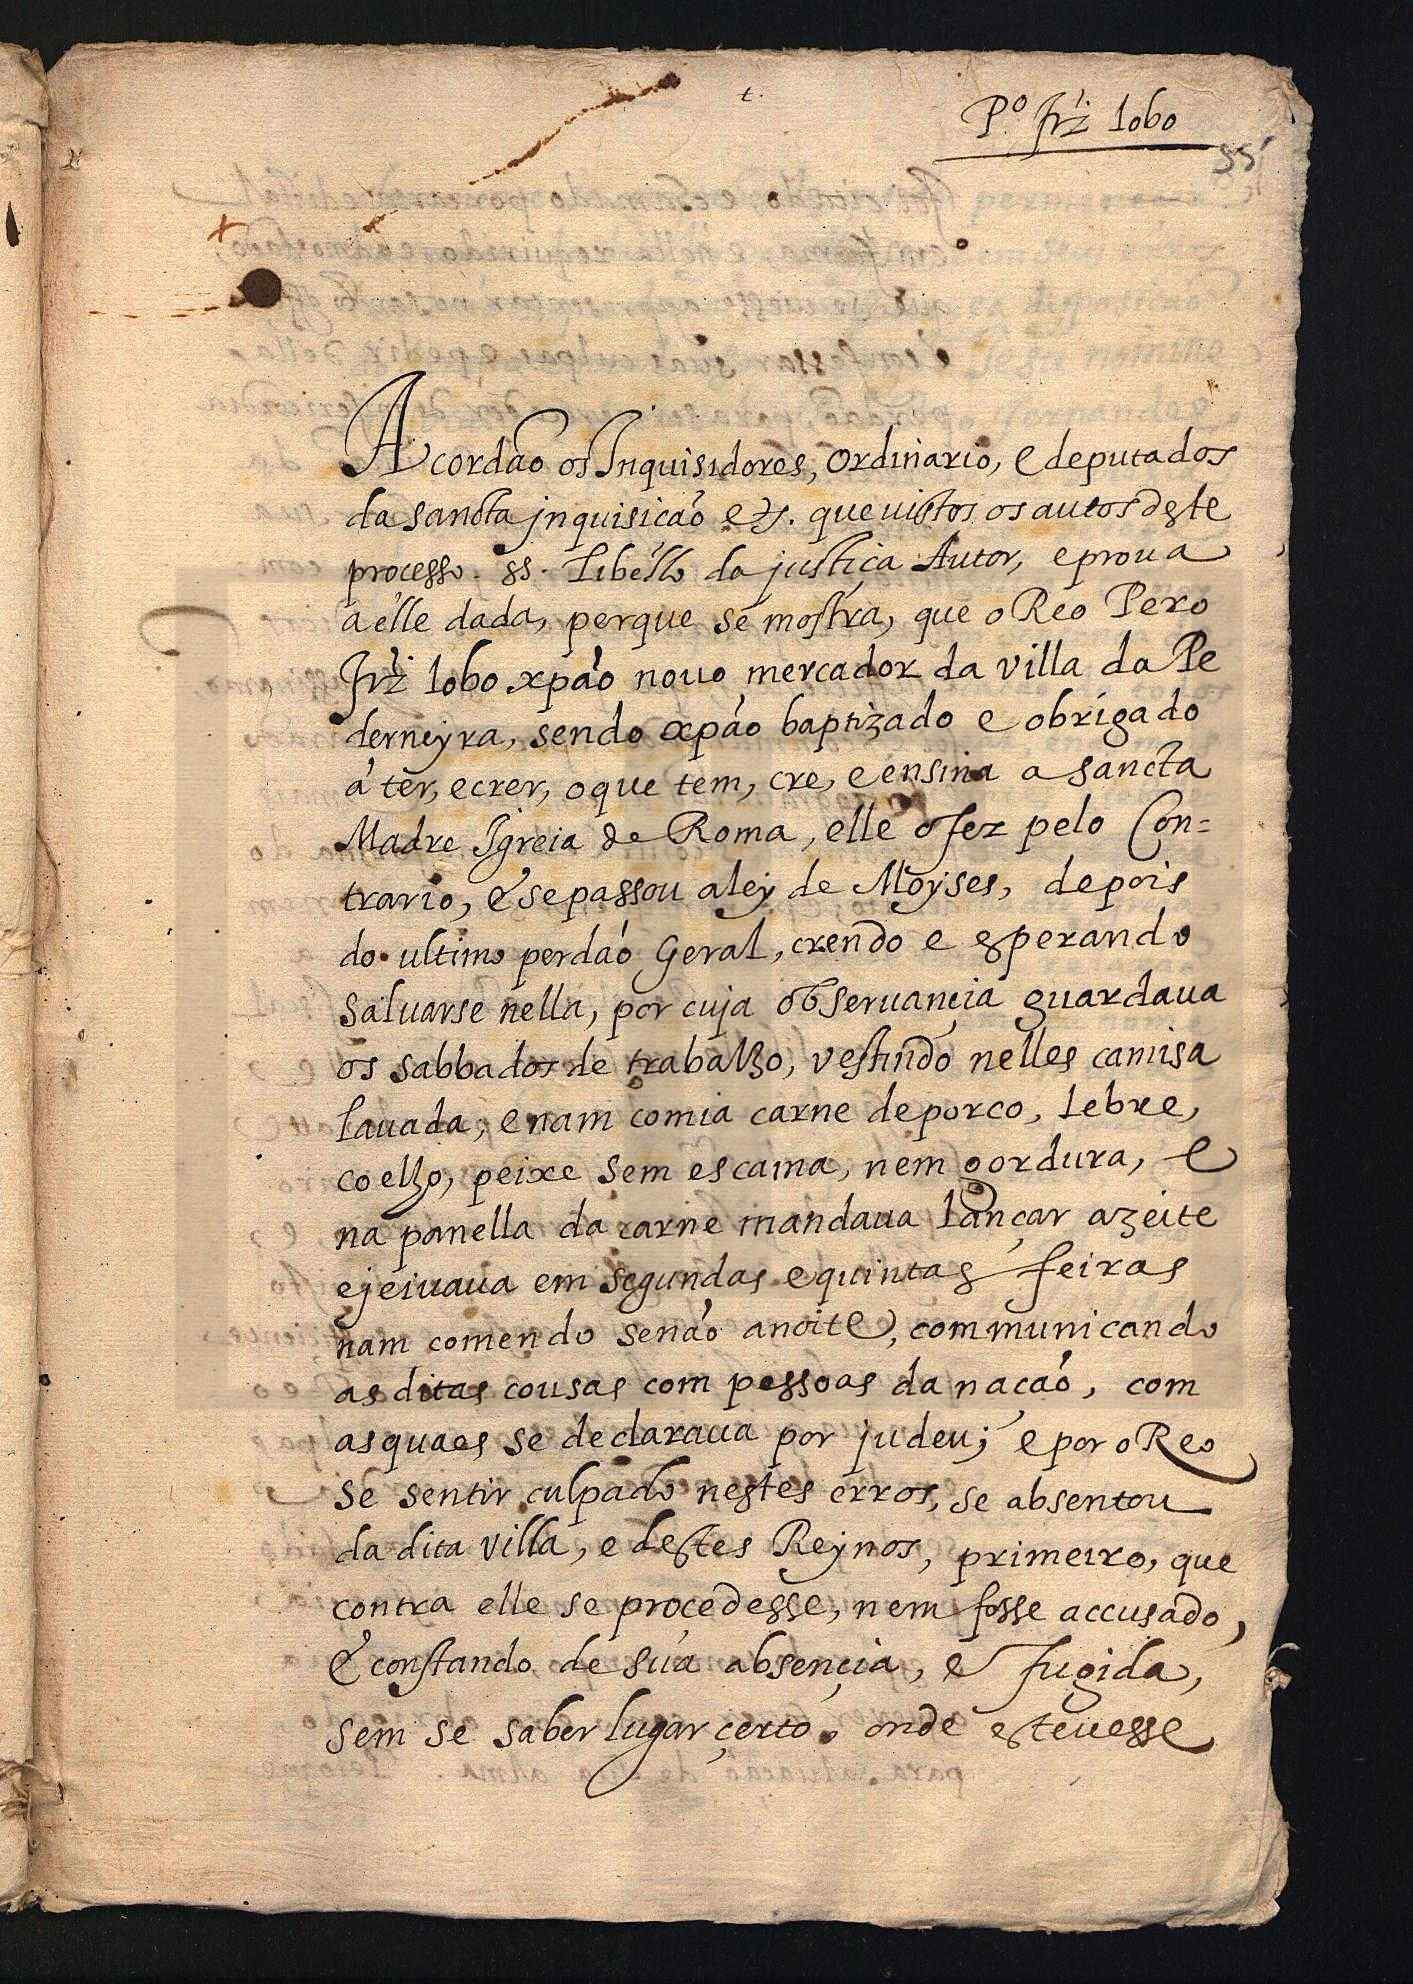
Po fr̄z lobo
Acordão os Inquisidores, Ordinario, e deputados
da sancta jnquisição etc. que uistos os autos deste
processo .ss. Libello da justiça Autor e proua
a elle dada perque se mostra, que o Reo Pero
fr̄z lobo xpão nouo mercador da villa da Pe
derneyra, sendo xpão baptizado e obrigado
a ter, e crer, o que tem, cre, e ensina a sancta
Madre Igreia de Roma, elle o fez pelo Con
trario, e se passou a ley de Moyses, depois
do ultimo perdão Geral, crendo e esperando
saluarse nella, por cuja obseruancia guardaua
os sabbados de trabalho, vestindo nelles camisa
lauada, e nam comia carne de porco, lebre,
coelho, peixe sem escama, nem gordura, e
na panella da carne mandaua lançar azeite
e jeiuaua em segundas e quintas feiras
nam comendo senão a noite, communicando
as ditas cousas com pessoas da nação, com
as quaes se declaraua por judeu; e por o Reo
se sentir culpado nestes erros, se absentou
da dita villa, e destes Reynos, primeiro, que
contra elle se procedesse, nem fosse accusado,
e constando de sua absencia, e fugida,
sem se saber lugar certo. onde esteuesse
